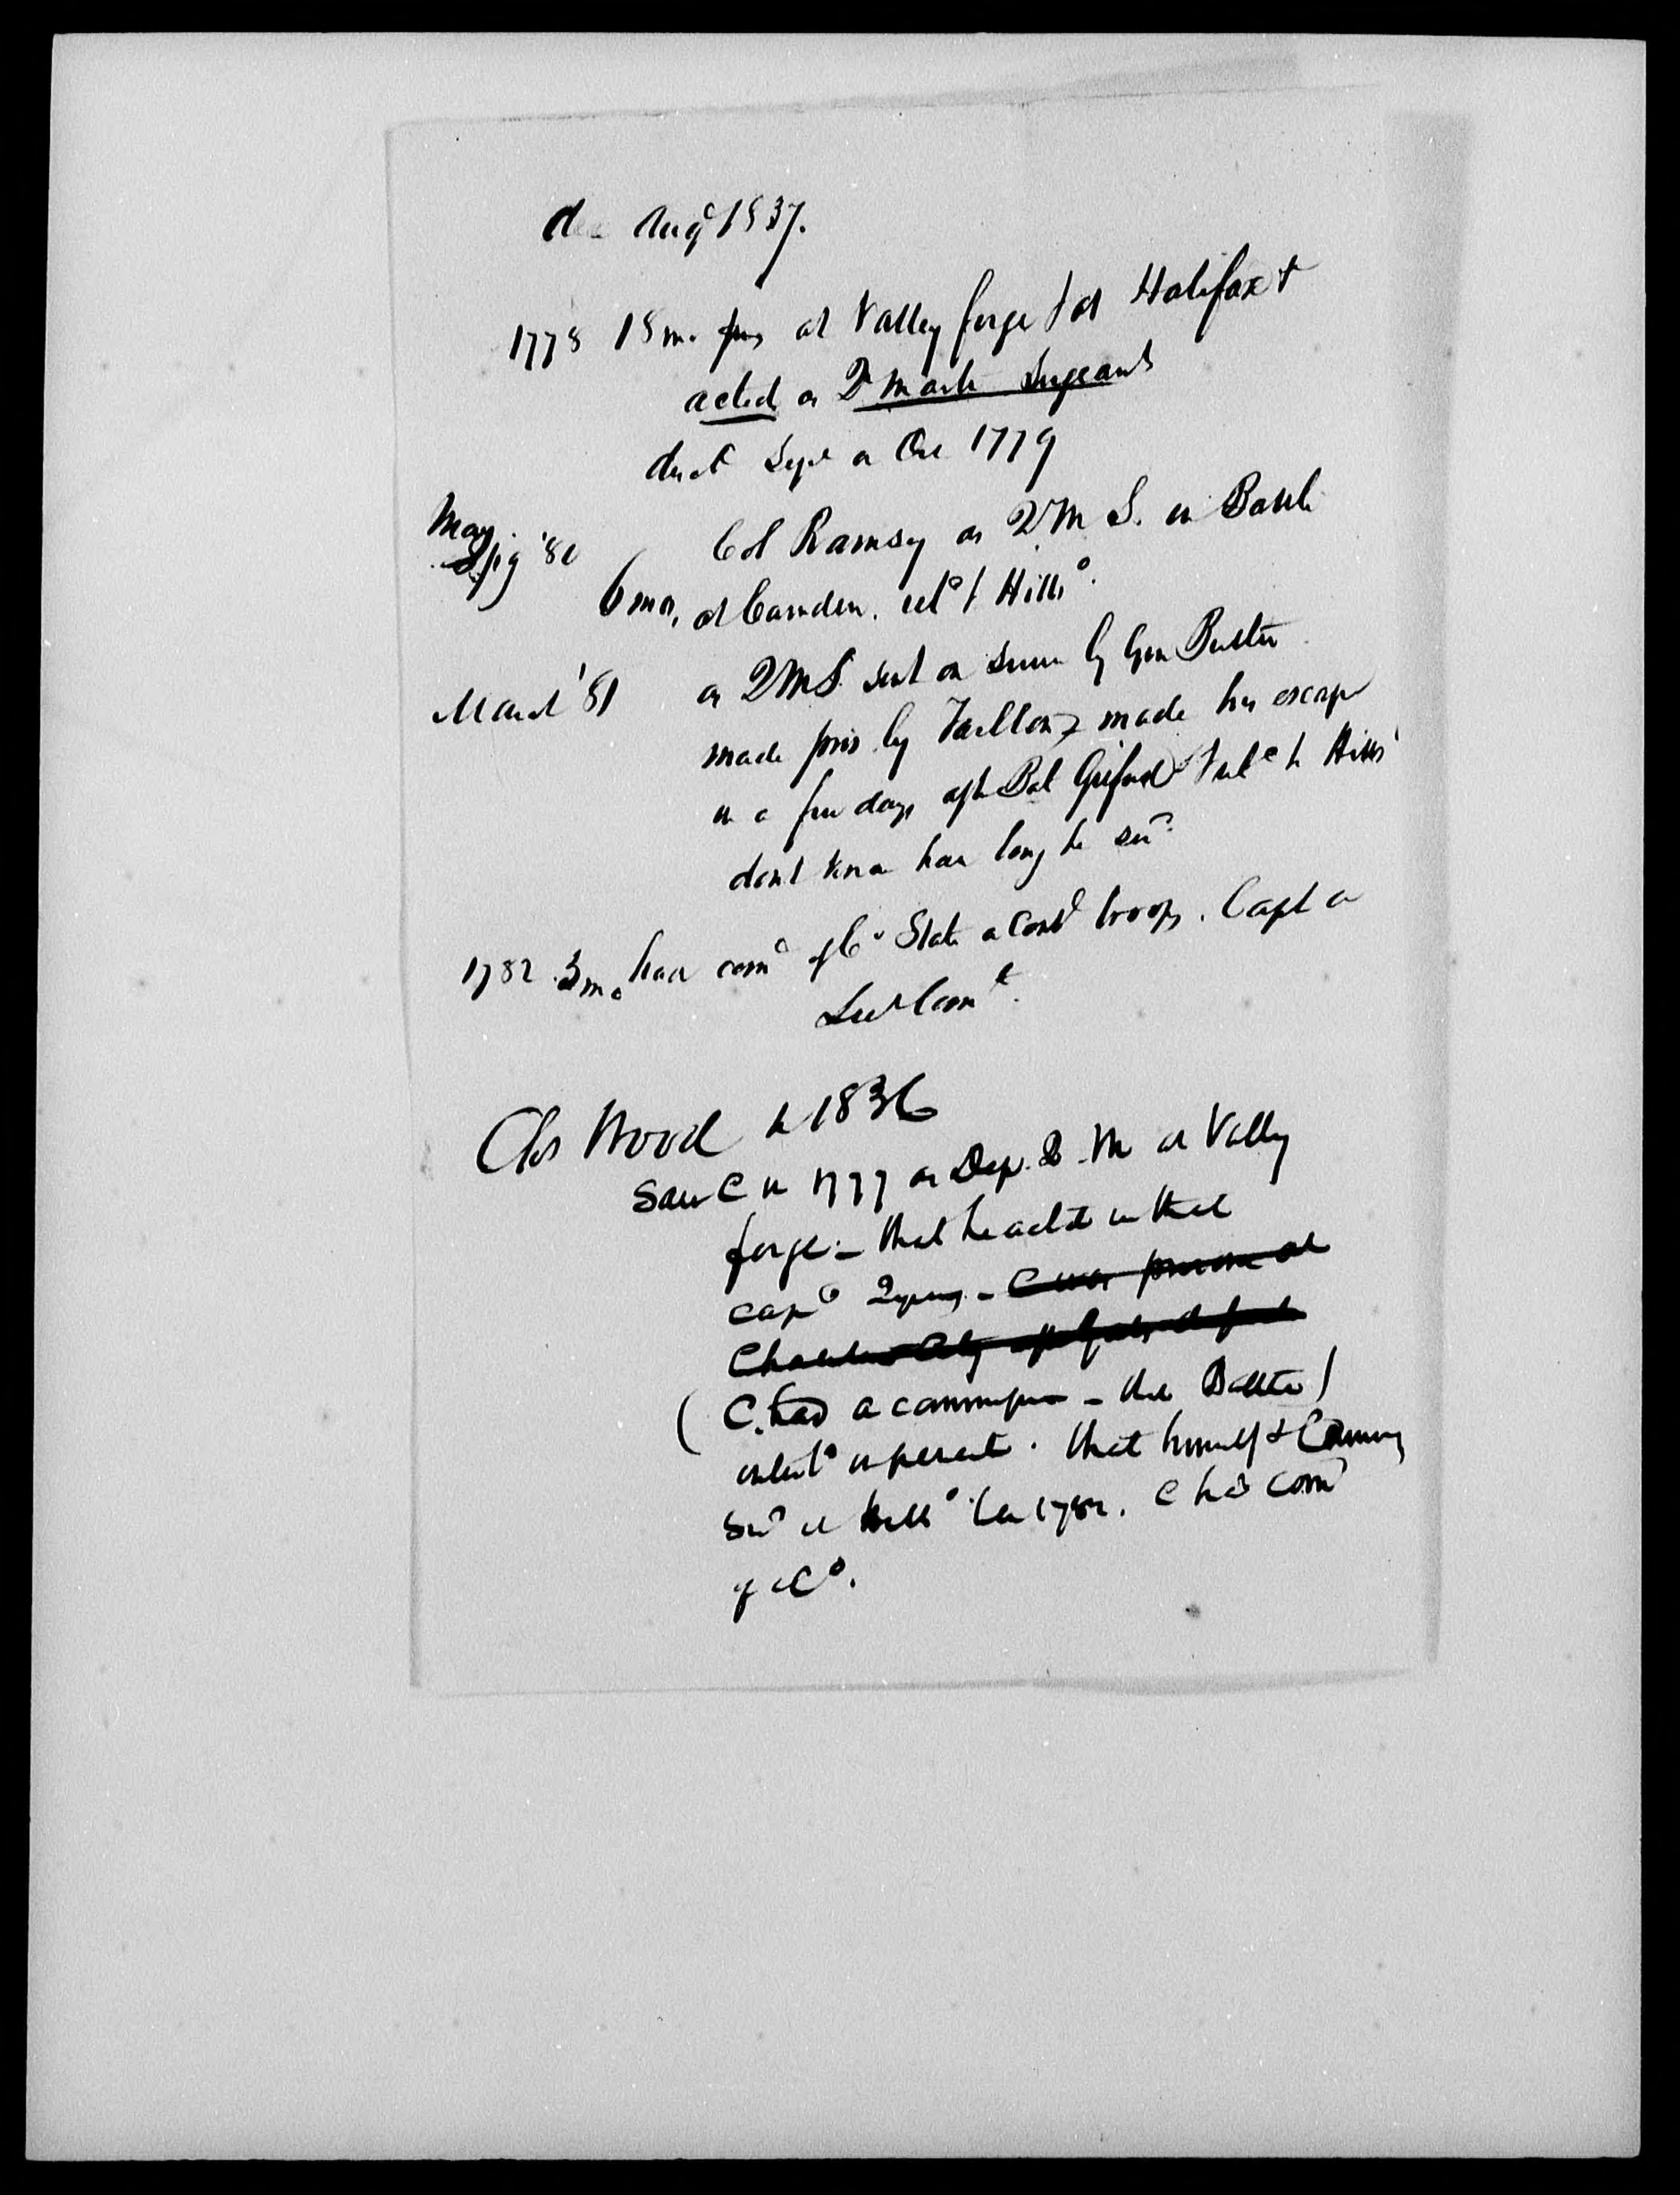[Handwritten record.  This appears possibly to be the second page of a three-page partial recap of William Cumming's service. Several parts are illegible.]

[Illegible] Aug 1837.

1778 18 mo [months] [illegible] at Valley forge and at Halifax and [here the next word is underlined] acted as [the following rank is underlined] Q [Quarter] Master Sergeant
[illegible] Sept or Oct 1779

 May [?] Spg [possibly meaning Spring] '80 [1780] Col Ramsy [or Ramsey] as QMS. [Quarter Master Sergeant] in [illegible word, possibly "Battle"] at Camden, [here the next phrase is hard to transcribe, but it appears to read "retd t Hills^o" possibly meaning returned to Hillsboro.]  [The time frame of] 6 mo, [is written to the left of "at Camden."]

March ' 81 [1781]  A QMS.  Sent on [?] Service by Gen Butler. made pris [prisoner] by Tarlton) _ made his escape in a few days after Bat [Battle] Guford [Guilford] [?] Taken to Hills [Hillsboro]  don't know how long he serd [served]?

1782 3 mo had comd [probably meaning command] of C^o [probably meaning Company]  State a [or meaning ? and] Contl [? Continental] troops. Capt a [? and] Lieutennt. [Lieutenant.] 

Chs [probably meaning Charles] Wood [illegible word, possibly "in"] 1836
Saw C [? Cumming] in [?] 1777 as Dep. Q. M [Deputy Quarter Master] at Valley forge._ that he acted in that cap^y [probably meaning capacity] 2 years. 

[Here follows an 8-word sentence which is stricken through, which cannot be read for certain at this time, although it looks like C [Cumming] was prisoner at Charleston City after Gates defeat.  There is also a 21- or 22- word segment with some abbreviations which also cannot be read with enough certainty, and is therefore considered illegible at this time. However, it is possible the last sentence reads: C [Cumming] had comd [command] of C^o, possibly meaning Cumming had command of Company.]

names: Henry, Ramsey, Butler, Chs Wood, Tarlton, Camey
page: 93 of 145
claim: survivor's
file: S. 8265, William Cumming, N.C.